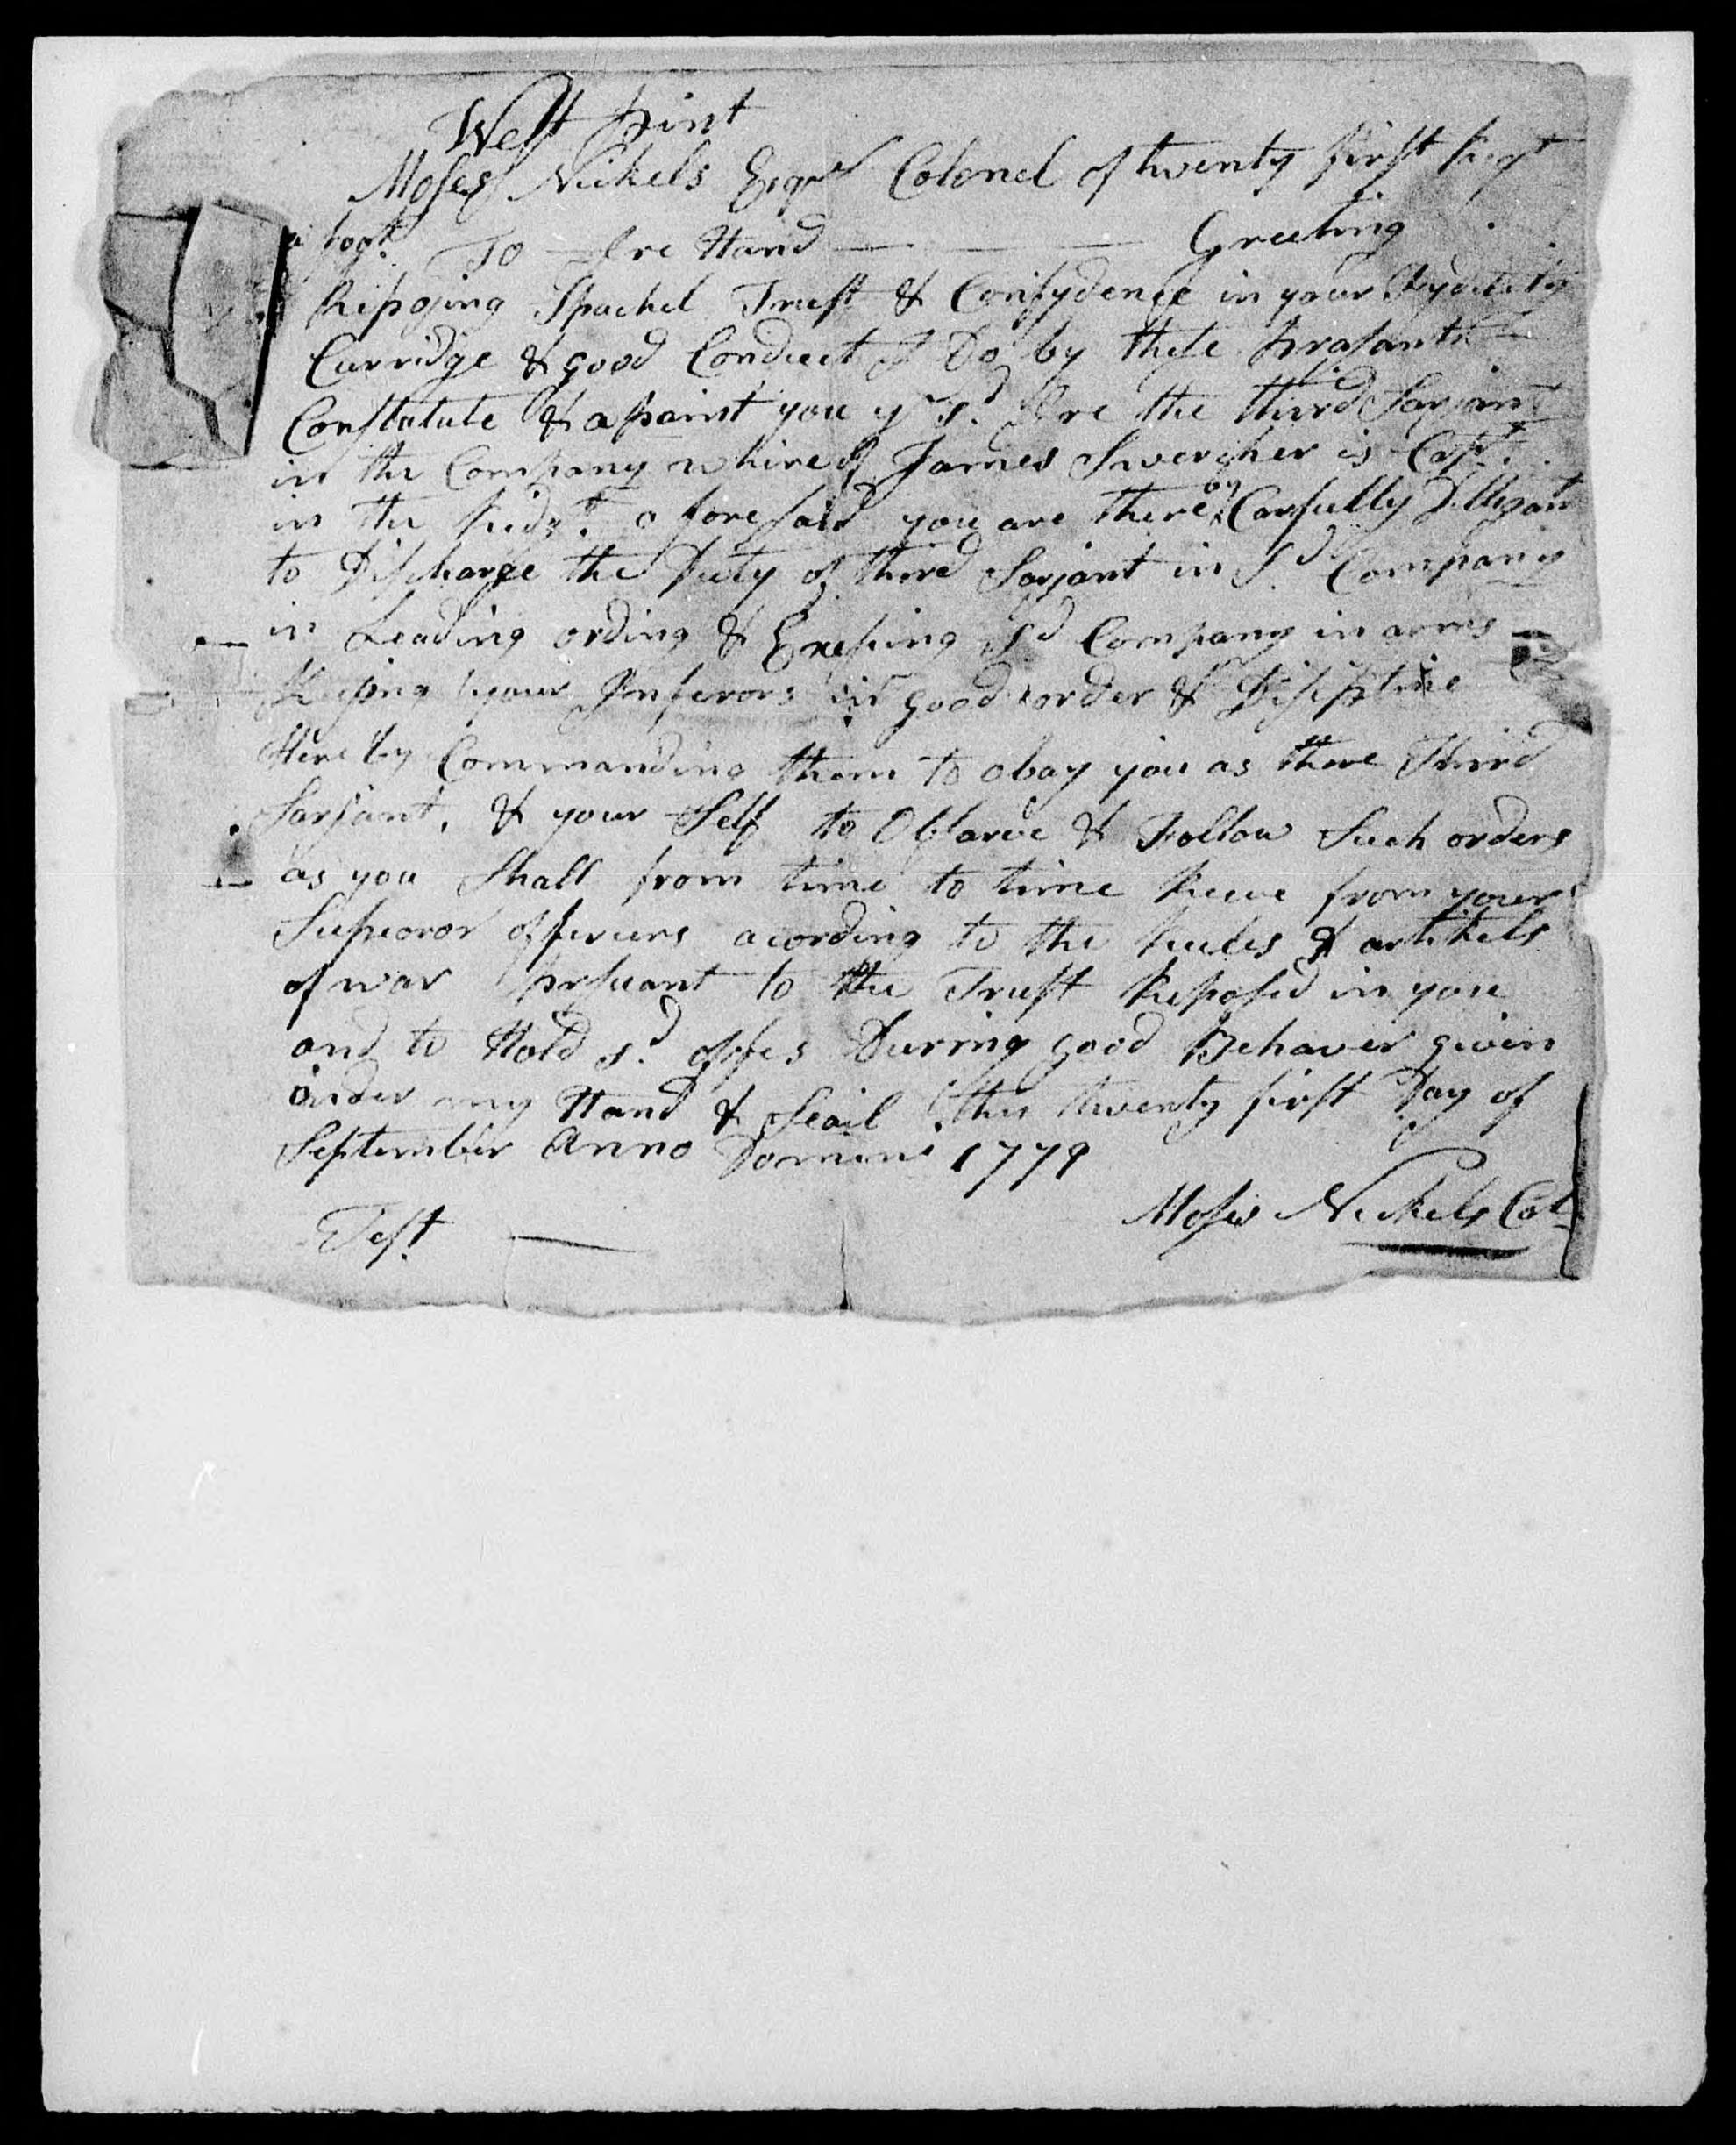Moses Nickels Serg Colonel of twenty first regiment fought with Ira Hand.
Reposing spachel Trust & confidence in your city of
Cambridge & Good Conduct of Do by these present
Constitute of a paint you are the third son
in the Company where of James Switchers was Capt
in his aforesaid you are there lawfully Illegaly
to Discharge the duty of third Sergeant in Company
in Leading Ording & Exiling Company in arms
King hour Inferred in good order & Sipple
hereby Commanding them to bay you as those third
Sarant, & your self to Care & Follow such orders
as you shall from time to time peeve from your
Superior offerers according to the rules & attels
of war presuant to the Trust reposed in you
and to Hold s ffes during good behave given
under my Hand
& Seal this twenty first day of
September Anno Domins 1779
West
Moses Nickelson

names: Moses Nickels, Moses Nickels, James Sweriher, Ira Hand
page: 37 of 42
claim: widow's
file: W. 19,722, Ira Hand, N.H. Vt.